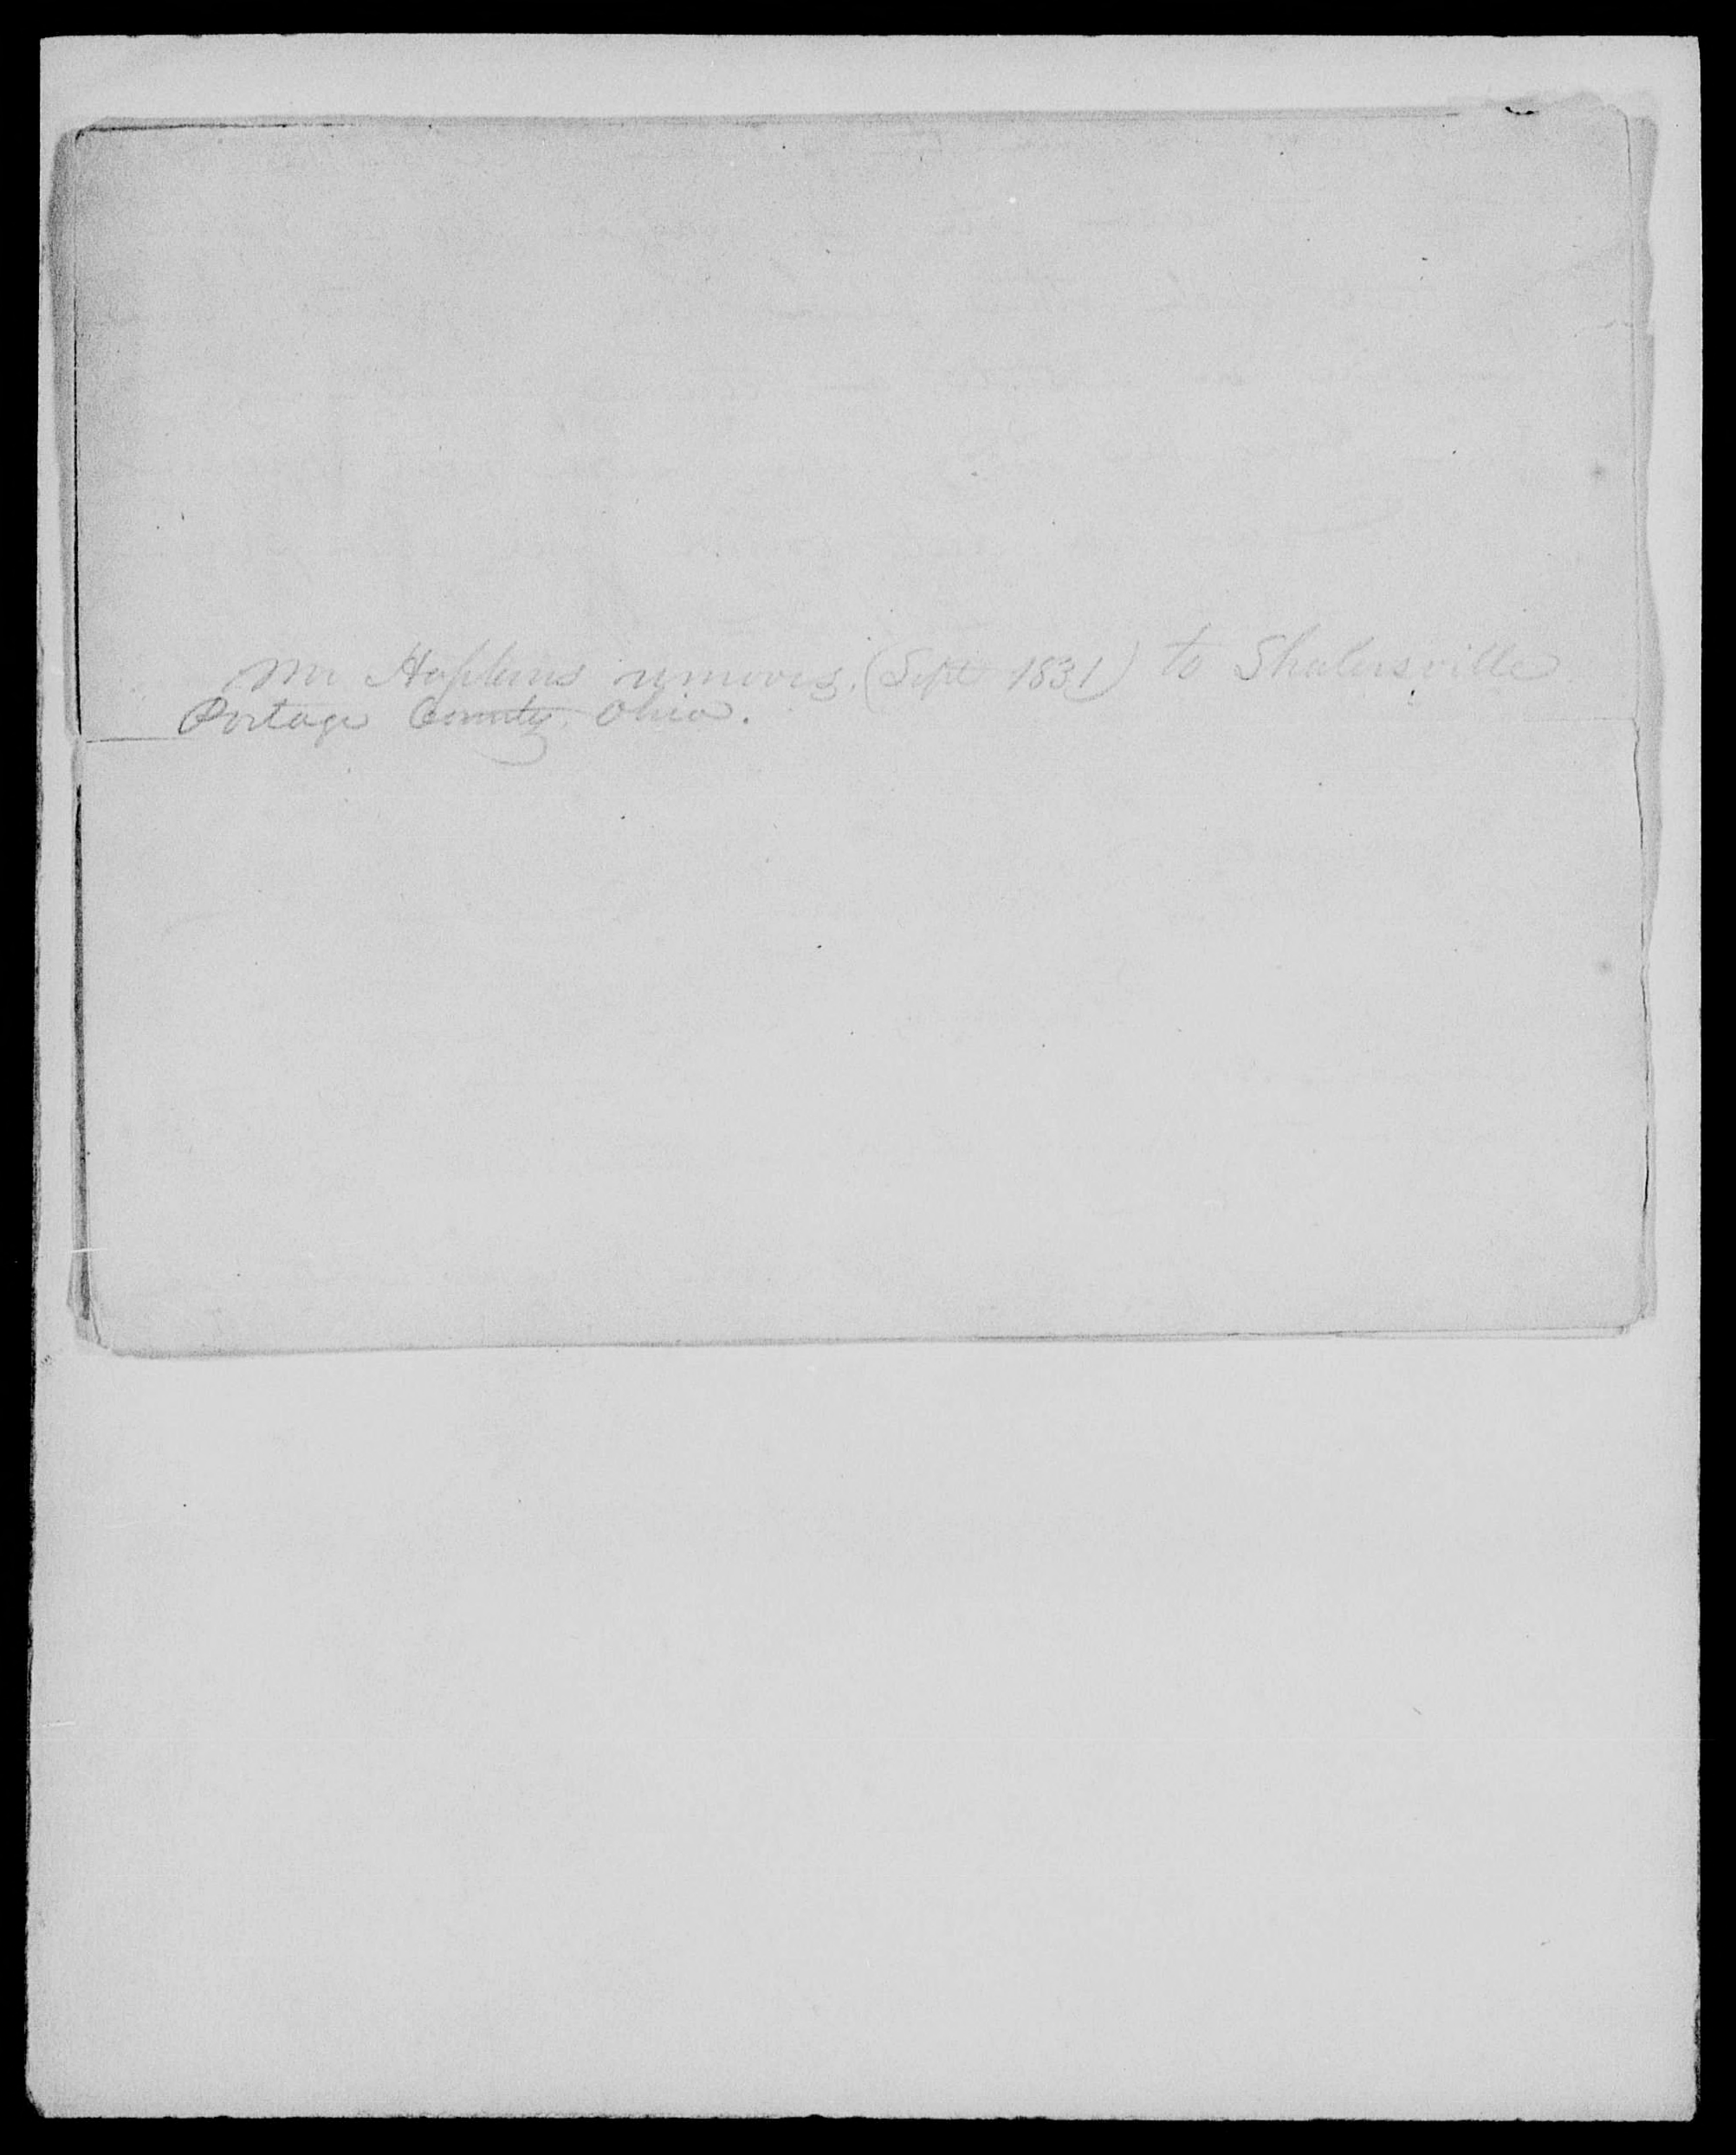Mr Hoptons removes, (Sept 1831) to Shalersville
Portage County, Ohio.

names: Hopkins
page: 127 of 144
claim: rejected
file: R. 5208, Dennis Hopkins, N.C.